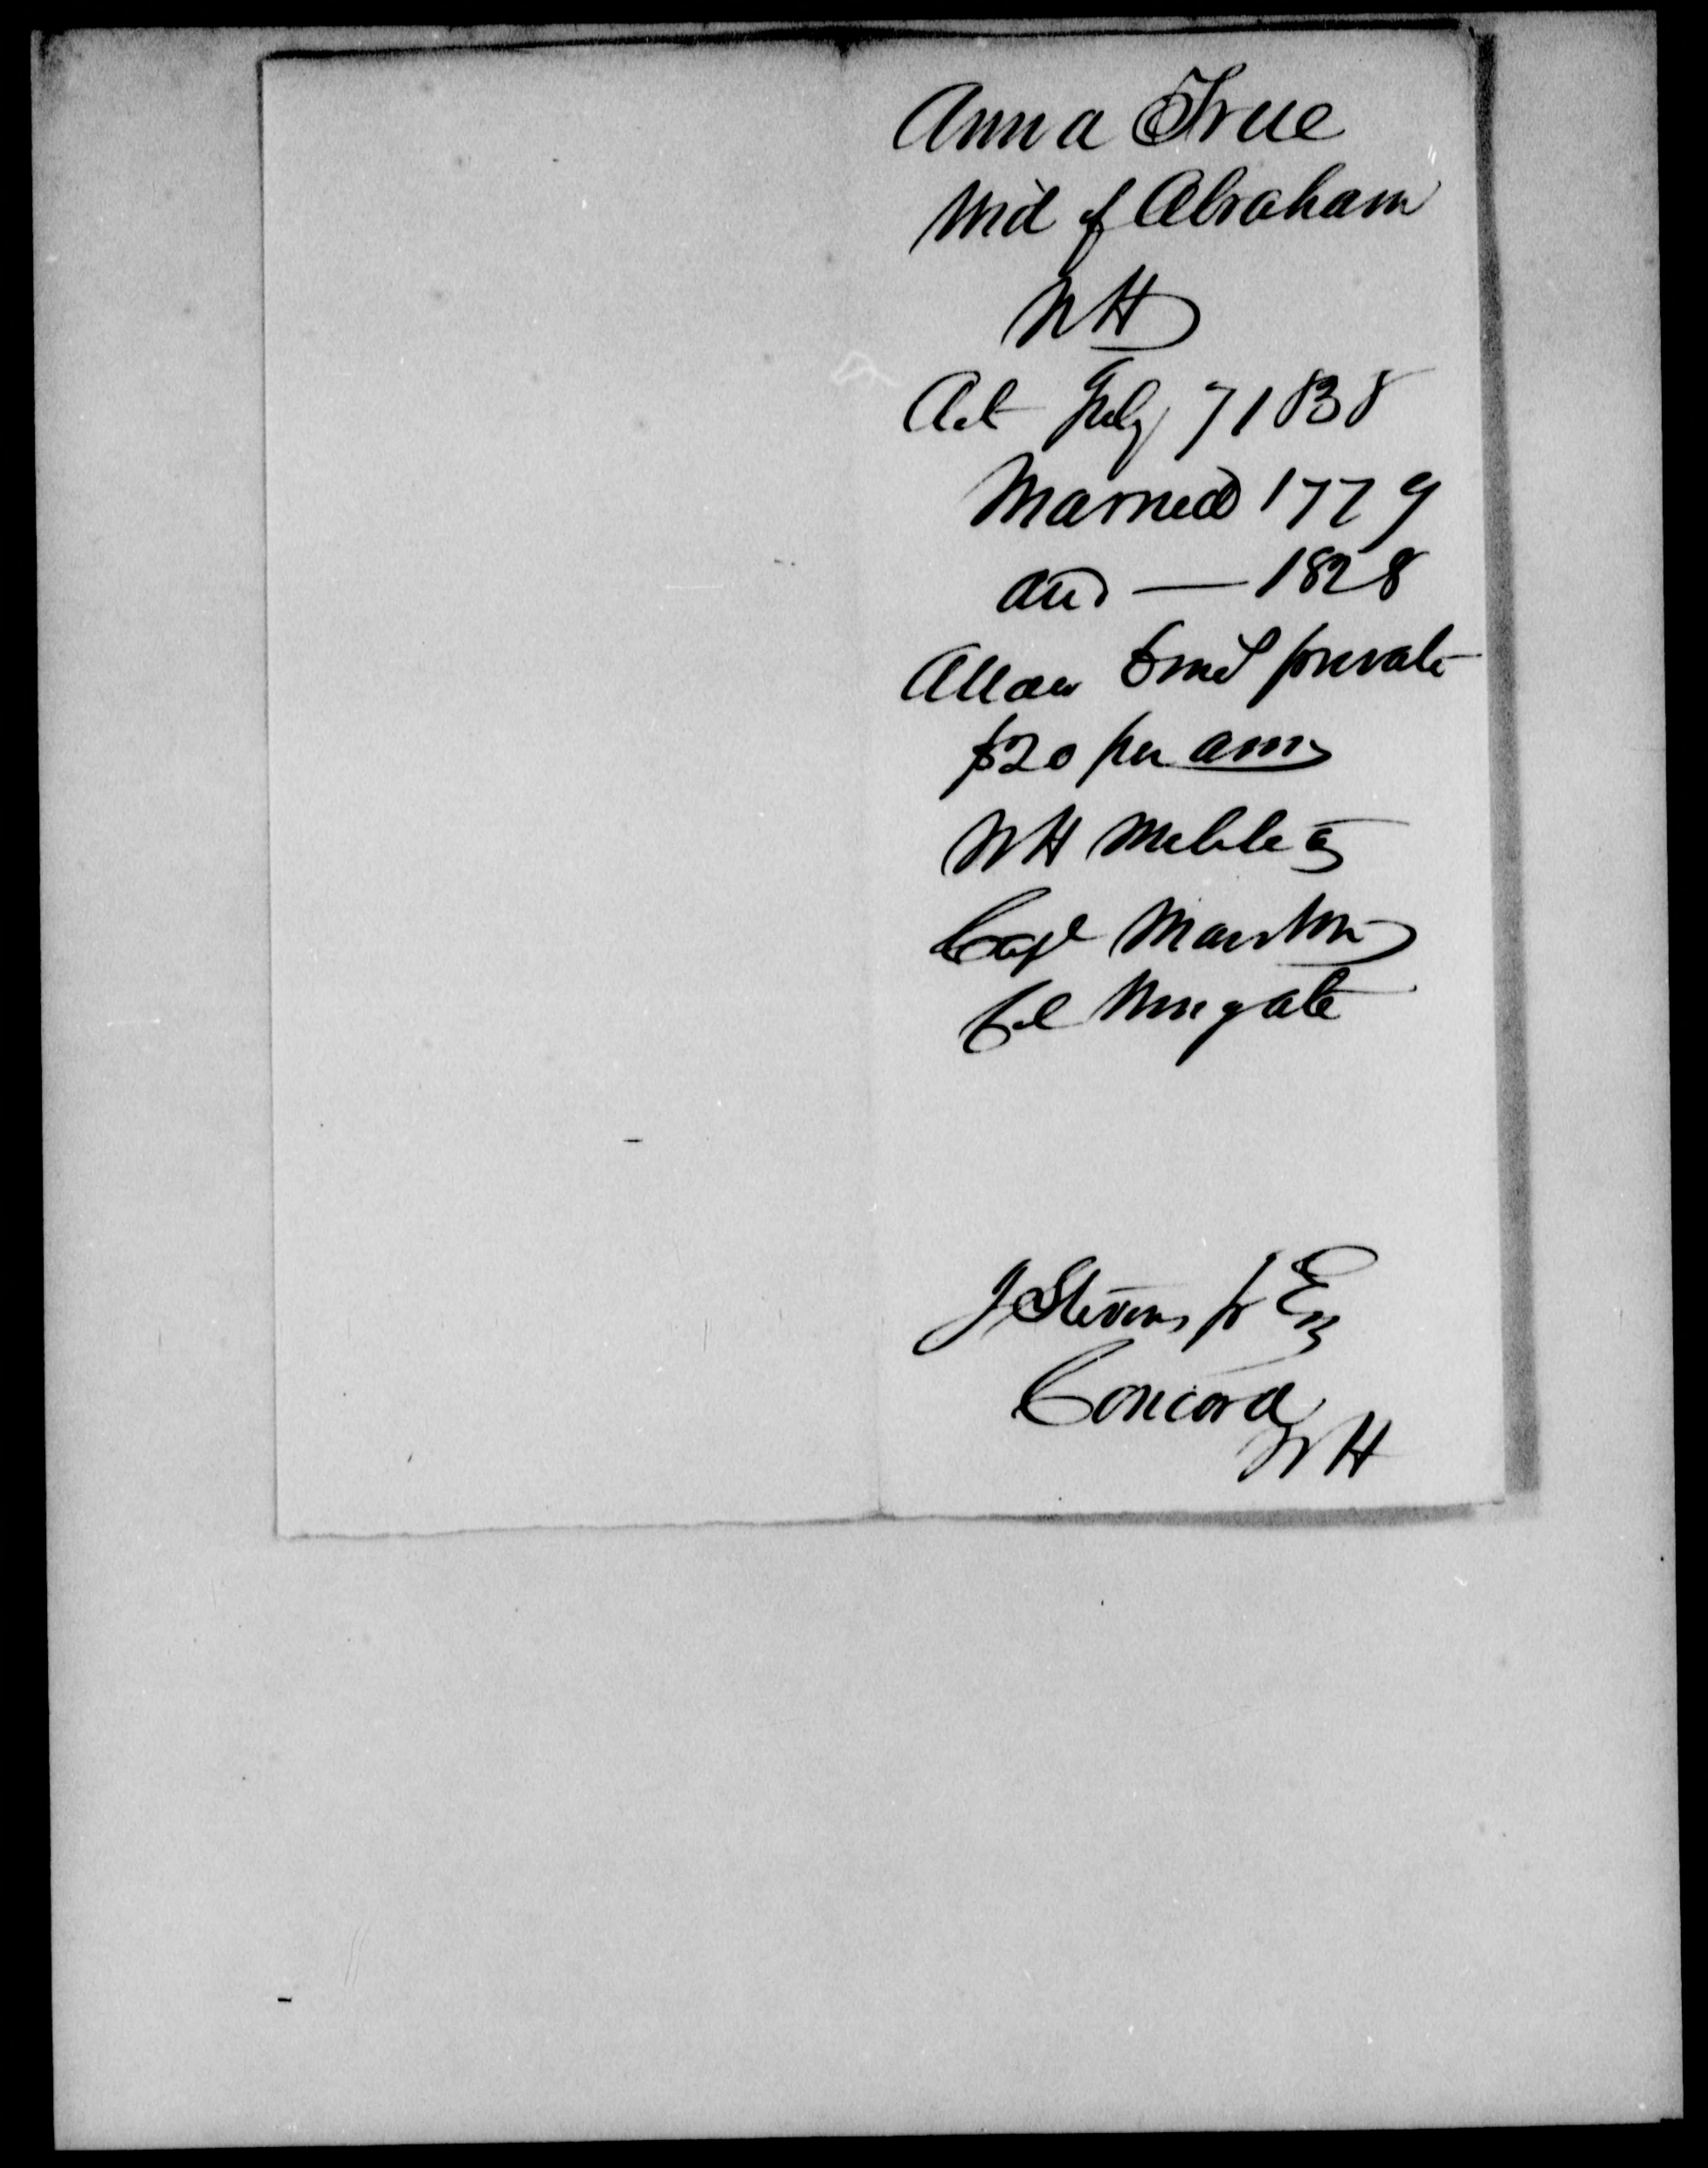Anna True
Wid. of Abraham
NH
Act July 7 1838
Married 1779
died 1828
Allow 6 mo 
$20 per annum
NH  Militia 5
Captain Markam
Col. Wingate

J Stevens Esq
Concord NH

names: Marston, Abraham True, Wingate, W H Meble, Anna True, J Stevens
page: 18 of 24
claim: widow's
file: W. 16,451, Abraham True, N.H.